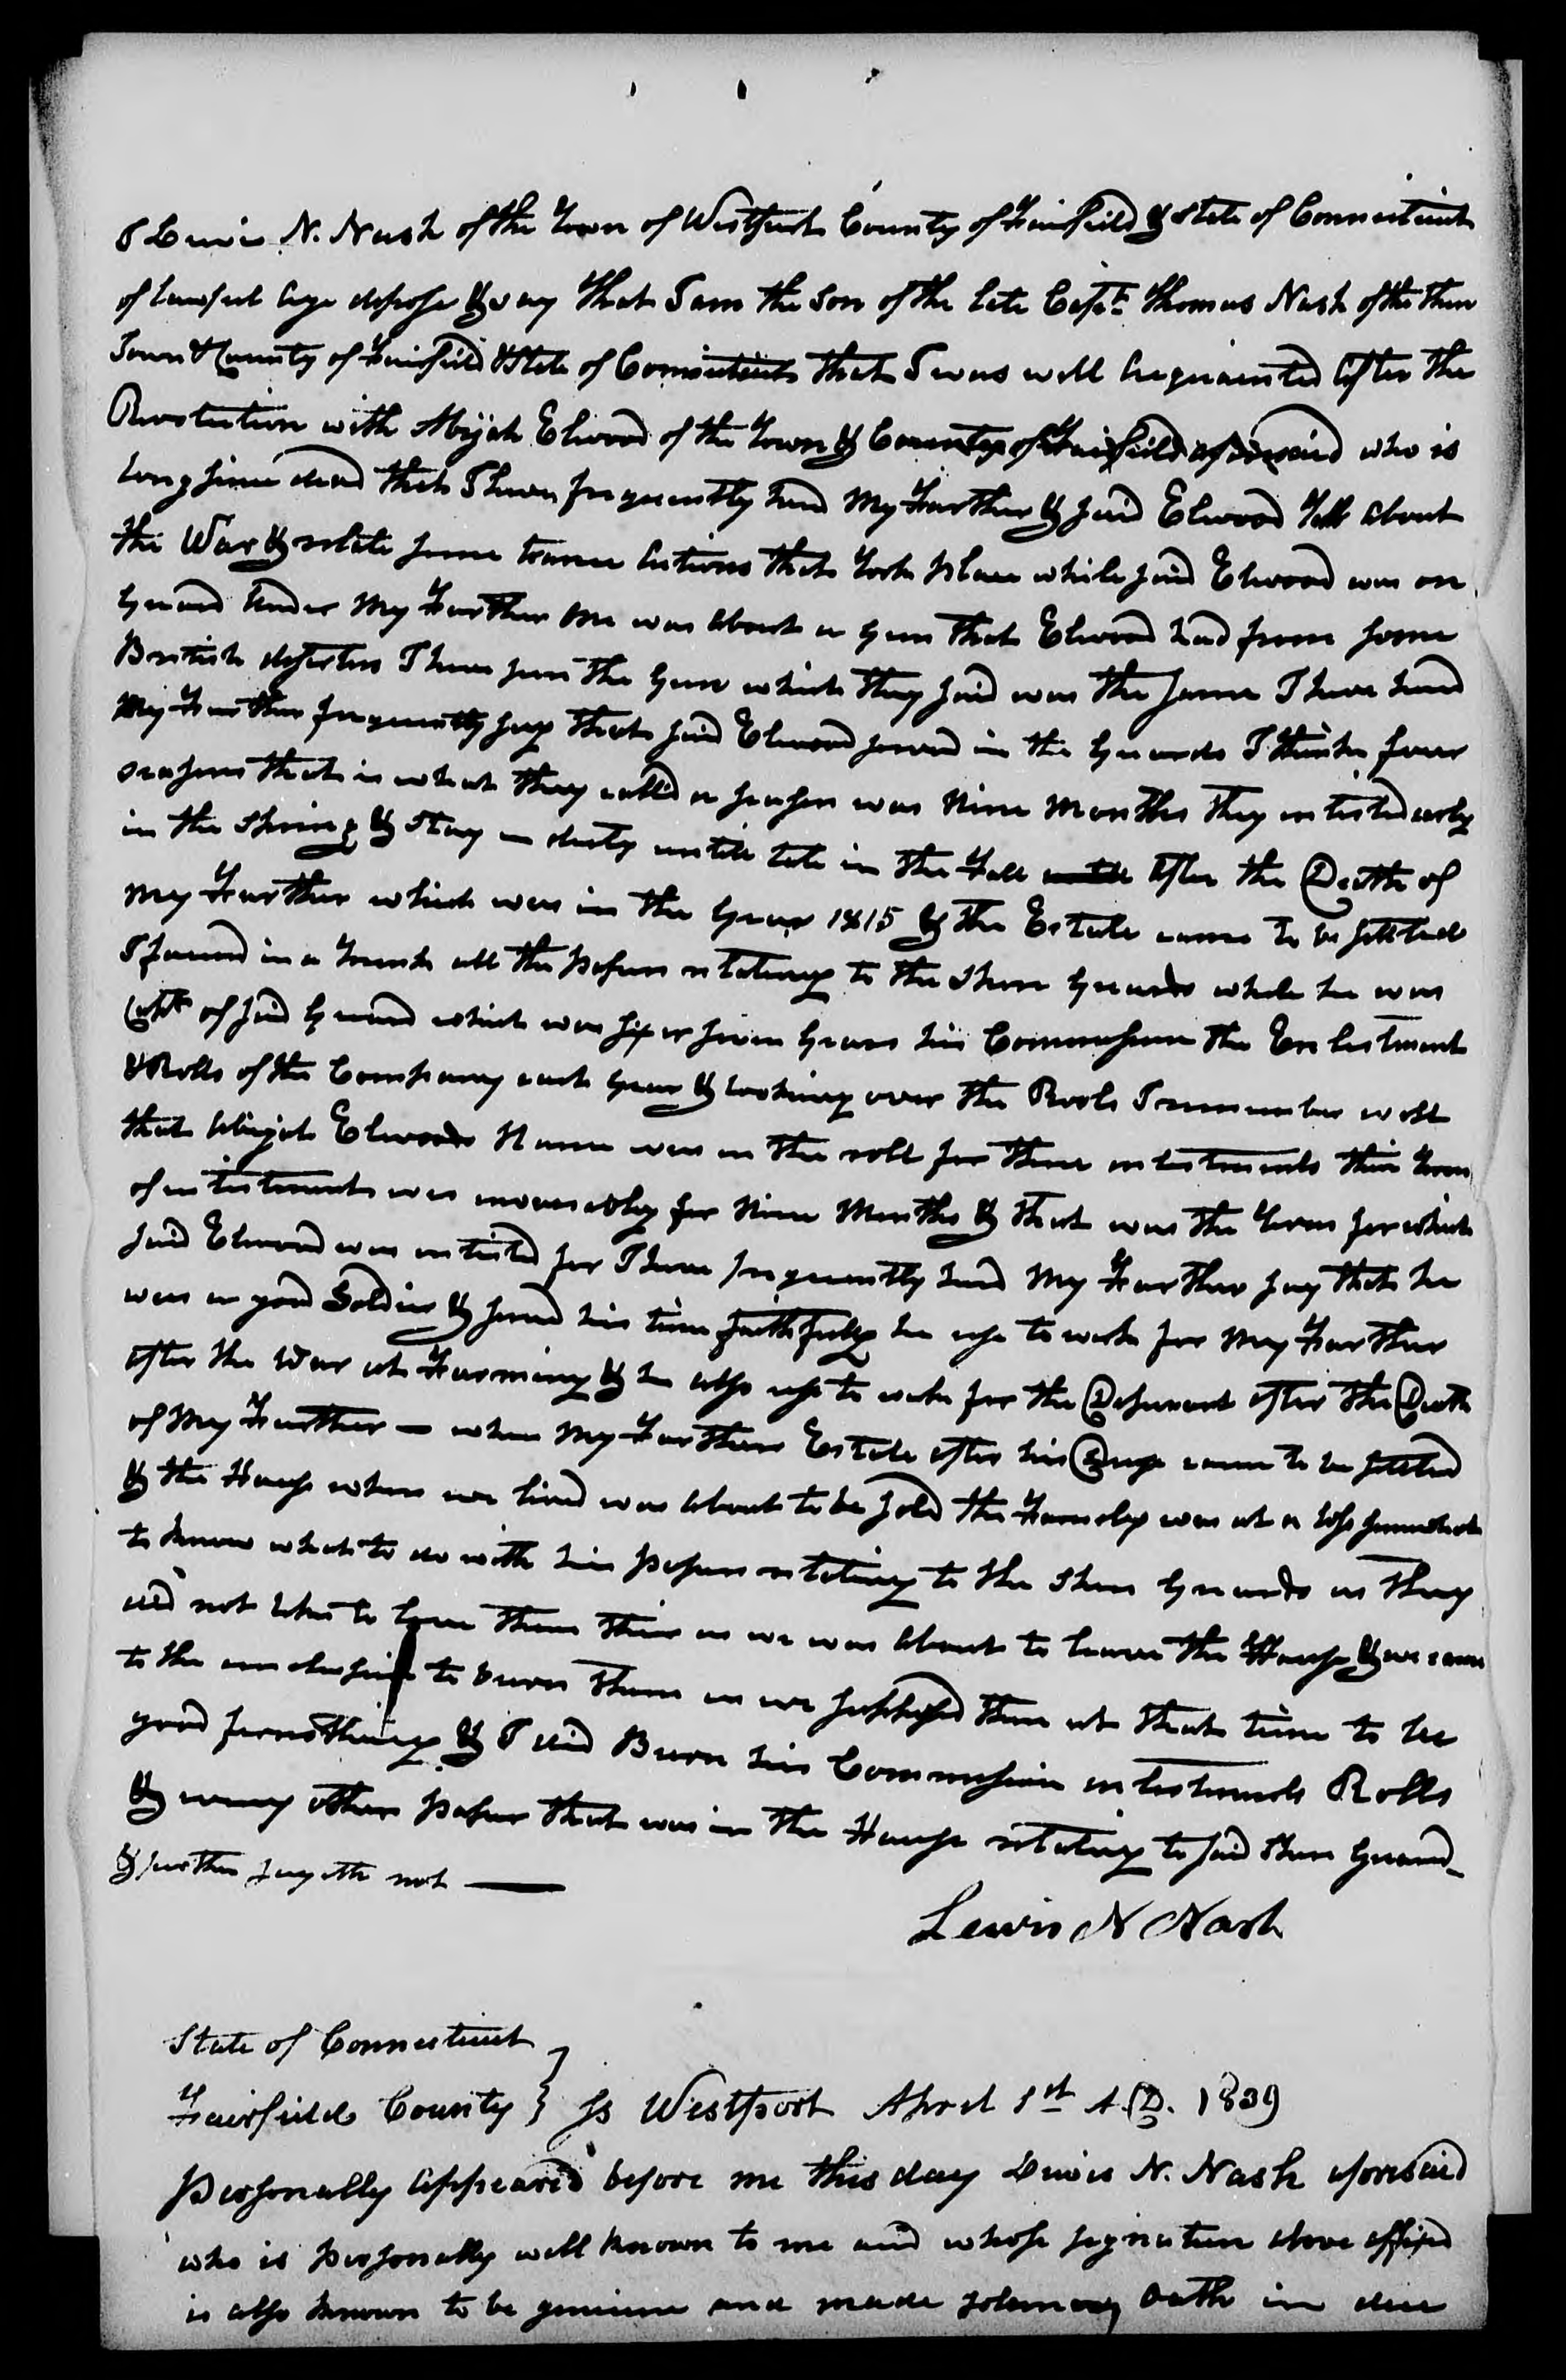I Lewis N. Nash of the Town of Westford County of Fairfield & State of Connecticut
of lawful age depose & say that I am the son of the late Capt'n Thomas Nash of the then
Town & County of Fairfield & State of Connecticut that I was well aquainted after the
Revolution with Abijah Elwood of the Town & County of Fairfield aforesaid who is
long since dead that I have frequently heard my Father & said Elwood tell about
the War & state from town histories that took place while said Elwood was on
guard and as my Father [illegible] one was about a gun that Elwood had from some
British defecters  I have seen the gun which they said was the same I have and 
my Father frequently says that said Elwood joined in the Guards I think four
[illegible] that is what they called a [Illegible] or [1 illegible] was nine months they enlisted early
in the spring & stay in duty late in the Fall. 
after the Death of
my Father which was in the year 1815 & the Estate was to be filed
I found in a Trunk all the papers relating to the Shore Guards while he was
Capt'n of said Guard which was six or seven years his Commission the Enlistment
Rolls of the Company each year & looking over the Rools {sic] I remember well
that Abijah Elwoods Name was on the roll for those inlisted  their 9 mos 
of enlistment was [1 illegible] for Nine Months & that was the term for which
said Elwood was enlisted for I have frequently heard my Farther say that he
was a good Soldier & served his time faithfully he use [sjc] to work for My Father
after the war at Farming & he use to work for the Deponent after the Death
of my Father -- when my Fathers Estate after his [1 illegible] came to be settled
& the House where we lived  was about to be sold the family was at a loss [1 illegible]
to know what to do with his papers relating  to the Shore Guards as they
w'd [would] not like to have them [1 illegible] as we was about to have the [illegible] & we [1 illegible]
to the [1 illegible] to burn them in our [1 illegible] them at that time to be
good [illegible] & I said Burn his Commission in his service Rolls
& every other papers that was in the House related to said Shore Guard.
& further sayeth not--
                      [signed] Lewis N Nash

State of Connecticut}
Fairfield County}ss  Westport April 1st A.D. 1839
Personally appeared before me this day Lewis N. Nash aforesaid
who is personally well known to me and whose signature above affixed
is also known to be genuine and made solemn oath in due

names: Burr, Lewis N Nash, Elwood, Lewis N Nash, Thomas Nash, Abijah Elwood, Elwood, Abijah Elwood, Elwood, Elwood, Elwood, Lewis N Nash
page: 61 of 69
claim: widow's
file: W. 25562, Abijah Elwood, Conn.